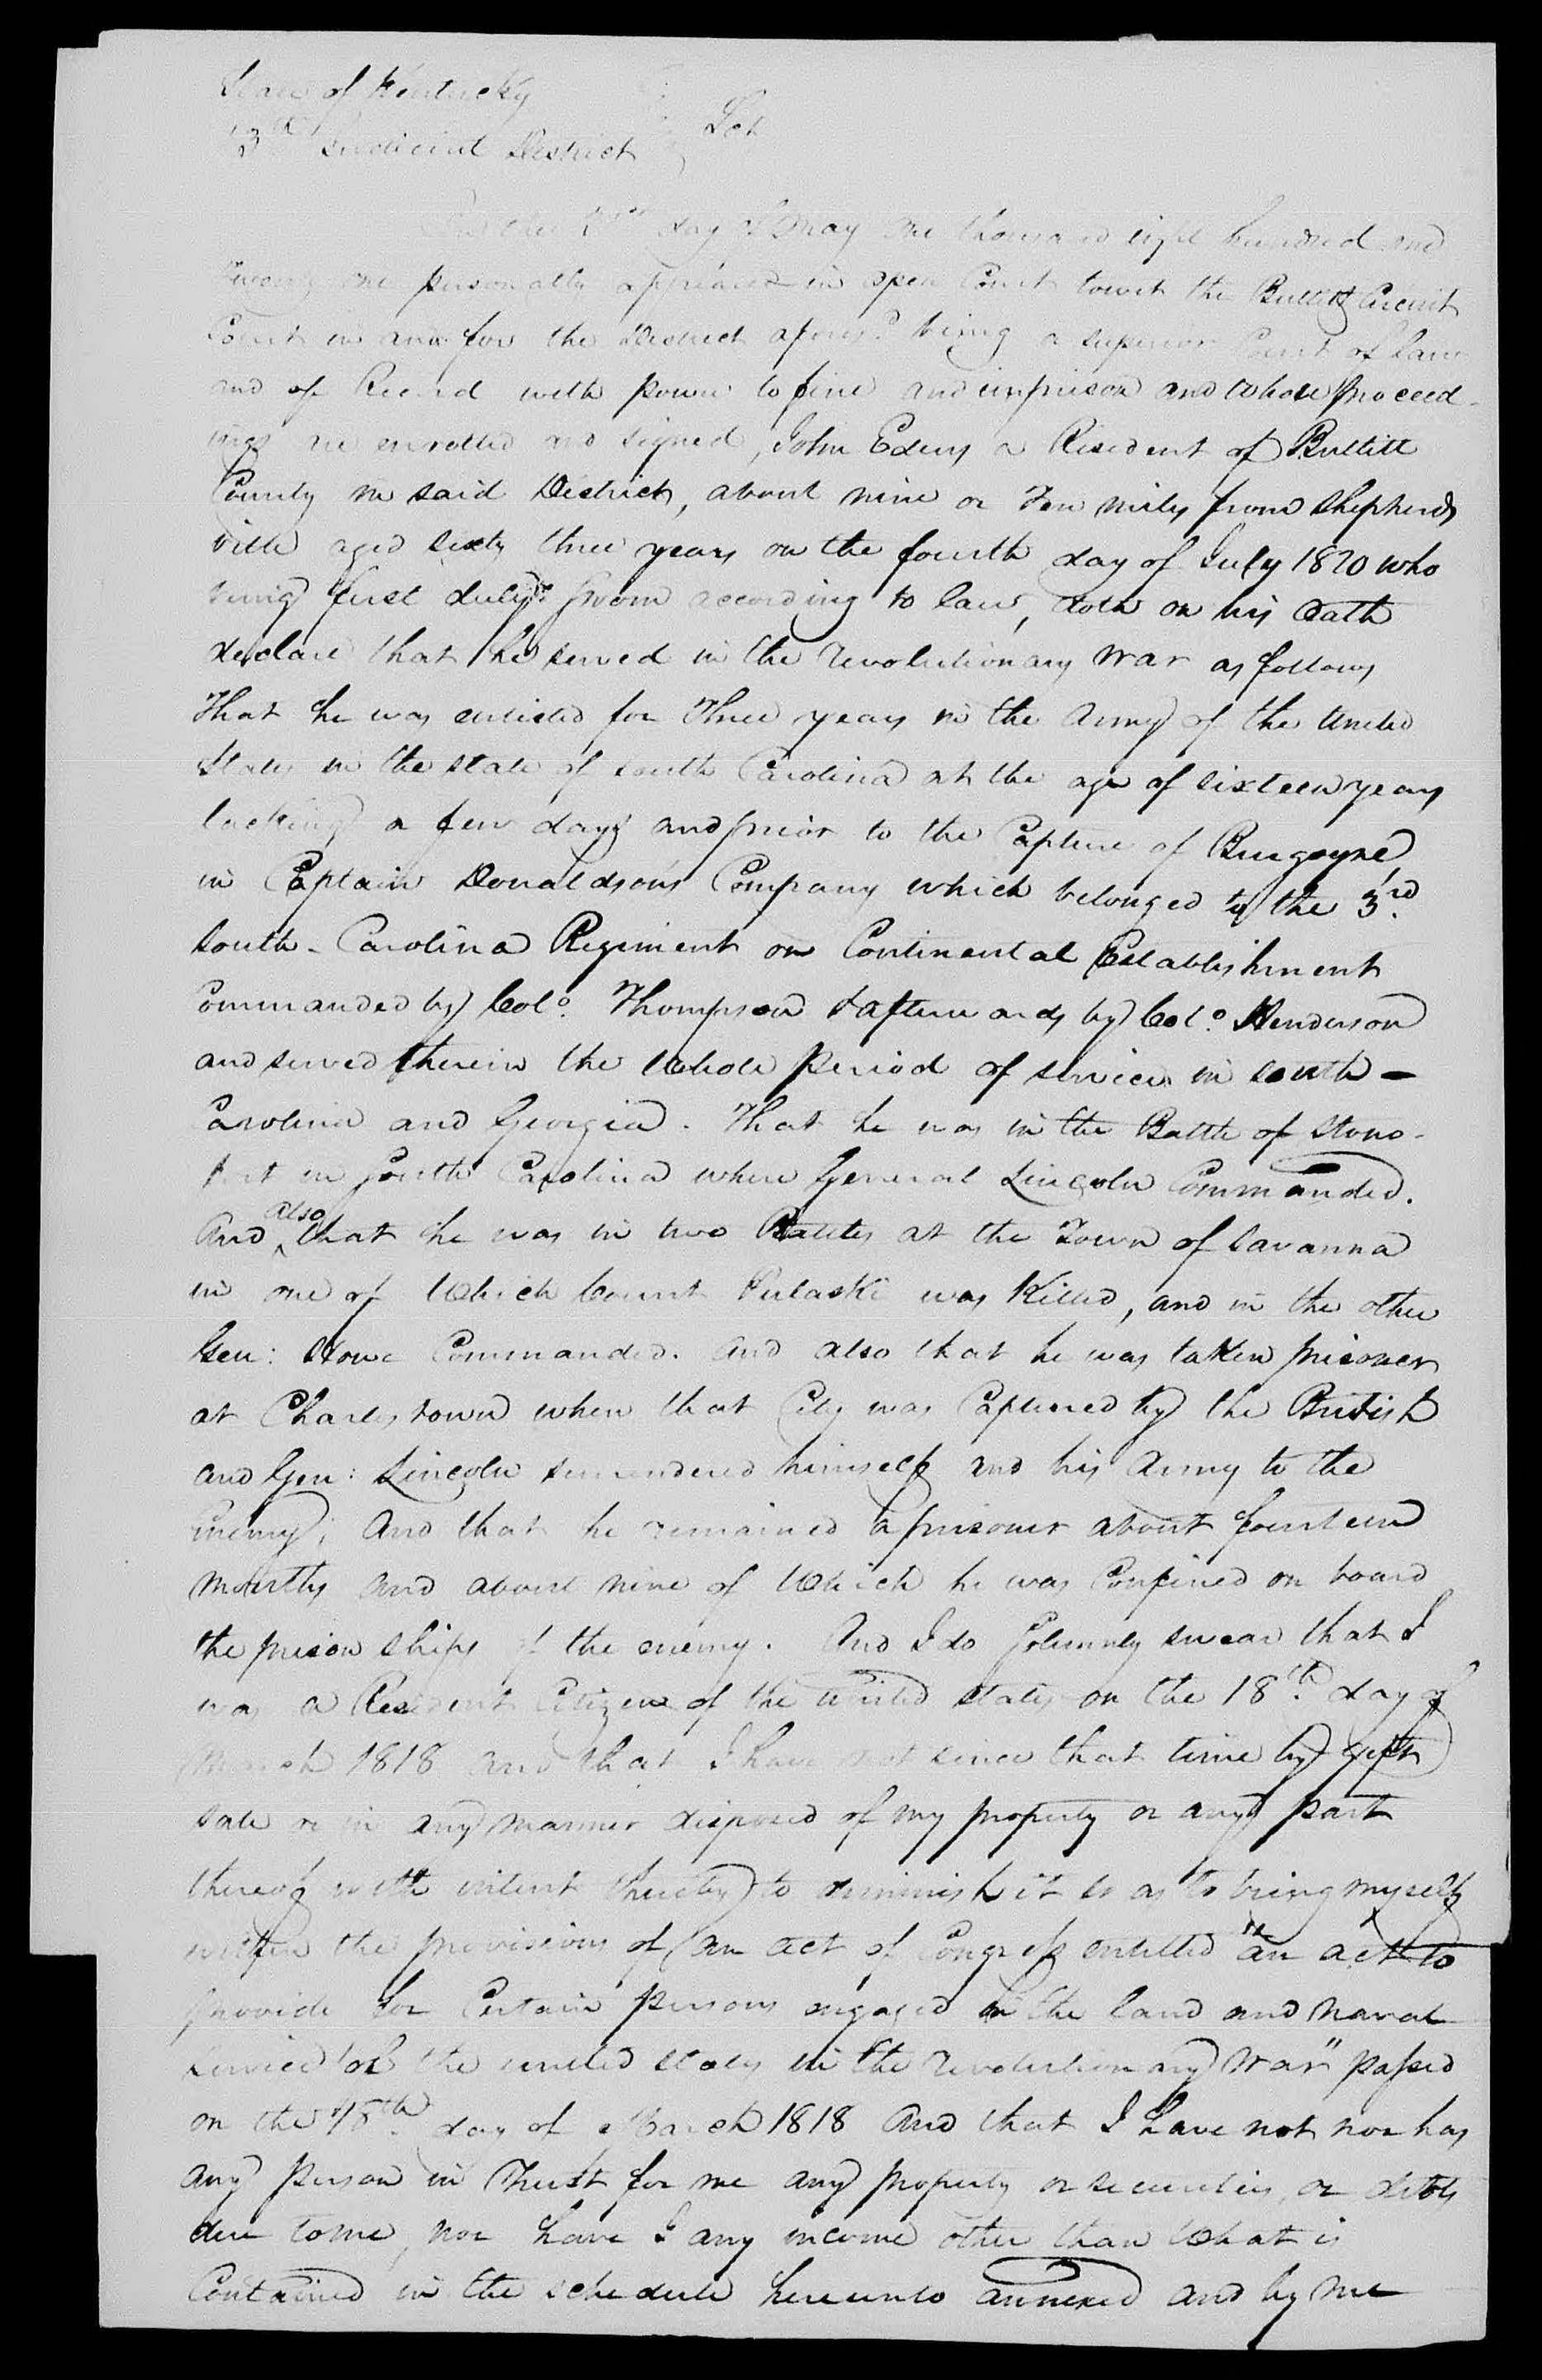State of Kentucky
3rd Judicial District

On the 3rd day of May one thousand eight hundred and twenty one personally appeared in open Court to wit the Bullitt Circuit Court in and for the District aforesaid being a superior Court of Law and of Record with power to fine and imprison and to hold proceedings he enrolled and signed, John Edens a Resident of Bullitt County in said District, about nine or ten miles from Shepherdsville aged sixty three years on the fourth day of July 1820 who being first duly from according to law, doth on his oath declare that he served in the revolutionary war as follows

That he was enlisted for Three years in the Army of the United States in the State of South Carolina at the age of Sixteen years lacking a few days and prior to the Capture of Burgoyne
in Captain Donaldsons Company which belonged to the 3rd South Carolina Regiment on Continental establishment commanded by Col Thompson & afterwards by Col Henderson and served therein the whole period of service in South Carolina and Georgia. That he was in the Battle of Stono in South Carolina where General Lincoln commanded. and also that he was in two battles at the Town of Savannah in one of which Count Pulaski was killed, and in the other
Gen: Howe commanded. And also that he was taken prisoner at Charlestown when that city was Captured by the British and Gen. Lincoln surrendered himself and his army to the enemy; and that he remained a prisoner about fourteen months and about nine of which he was confined on board the prison ships of the enemy. And I do solemnly swear that I was a resident Citizen of the United States on the 18th day March 1818 and that I have not since that time by gift,
sale or in any manner disposed of my property or any part thereof with intent thereby to diminish it so as to bring myself with the provisions of an act of Congress entitled "an act to
provide for certain persons engaged in the land and naval service of the United States in the Revolutionary War"" passed on the 18th day of March 1818 and that I have not nor has
any person in Trust for me any property or securities, or debts due to me nor have I any income other than what is contained in the schedule hereunto annexed and by me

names: Henderson, John Edens, Thompson, Lincoln, Lincoln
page: 7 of 14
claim: survivor's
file: S 35911, John Edens, S.C.